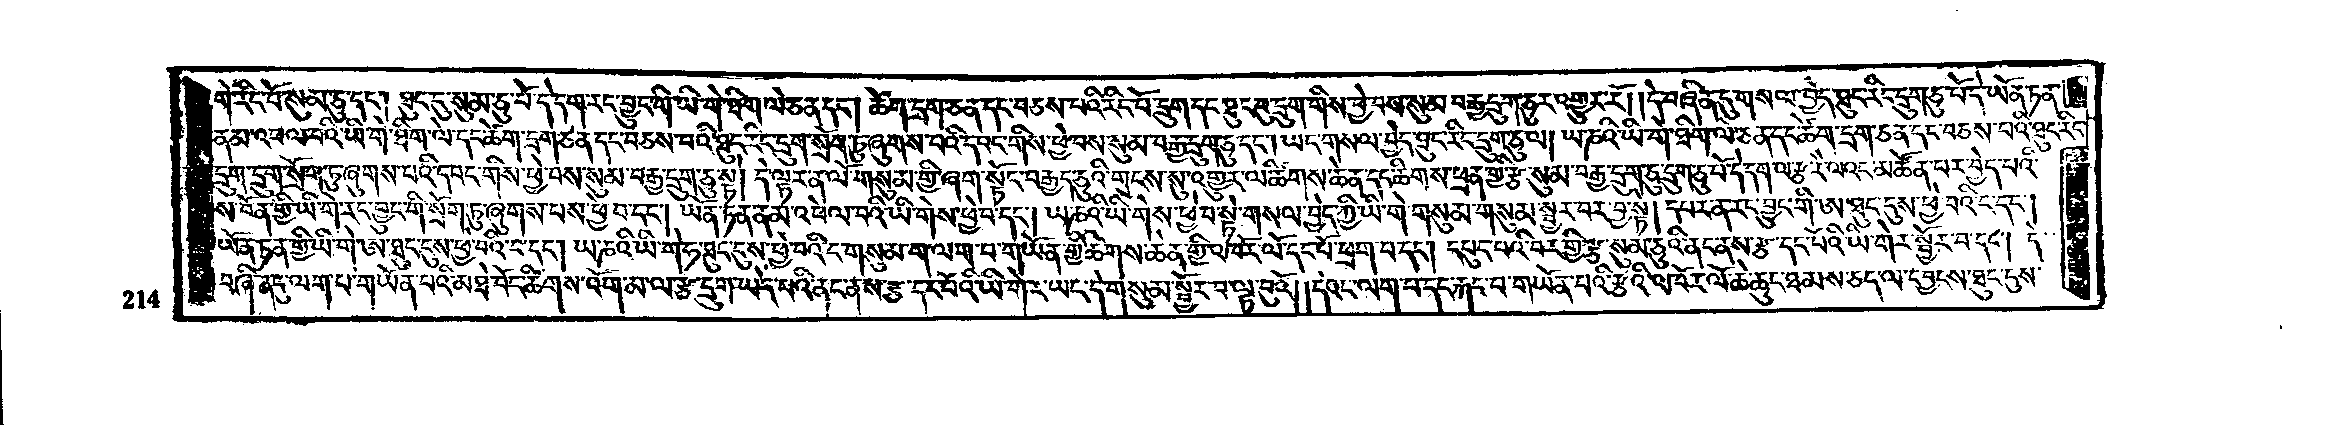གེ་རིང་པོ་སུམ་ཅུ་དང་། ཐུང་ངུ་སུམ་ཅུ་པོ་དེ་དག་རང་བྱུང་གི་ཡི་གེ་ཐིག་ལེ་ཅན་དང་། ཚིག་དྲག་ཅན་དང་བཅས་པའི་རིང་པོ་དྲུག་དང་ཐུང་ངུ་དྲུག་གིས་ཕྱེ་བས་སུམ་བརྒྱ་དྲུག་ཆུར་འགྱུར་རོ། །དེ་བཞིན་དུ་གསལ་བྱེད་ཐུང་རིང་དྲུག་ཅུ་པོ་དེ་ཡོན་ཏན་
ནམ་འཕལ་བའི་ཡི་གེ་ཐིག་ལེ་དང་ཚེག་དྲག་ཅན་དང་བཅས་པའི་ཐུང་རིང་དྲག་སྲོག་ཏུ་ཞུགས་པའི་དབང་གིས་ཕྱེ་བས་སུམ་བརྒྱ་དྲུག་ཅུ་དང་། ཡང་གསལ་བྱེད་ཅུང་རིང་དྲུག་ཅུ་ལ། ཡ་ཎི་ཡི་གེ་ཐིག་ལེ་ཅན་དང་ཚེག་དྲག་ཅན་དང་བཅས་པའི་ཐུང་རིང་
དྲུག་དྲུག་སྲོག་ཏུ་ཞུགས་པའི་དབང་གིས་ཕྱས་བས་སུམ་བརྒྱ་དྲུག་ཅུ་སྟེ། དེ་ལྟར་ན་ལོ་གསུམ་གྱི་ཞག་སྟོང་བརྒྱད་ཅུའི་གྲངས་སུ་འགྱུར་ལ་ཚིགས་ཆེན་དང་ཚིགས་ཕྲན་གྱི་རྩ་སུམ་བརྒྱ་དྲུག་ཅུ་དྲུག་ཅུ་པོ་དེ་དག་ལ་རྩ་རཻ་ལའང་མཚོན་པར་བྱེད་པའི་
ས་བོན་གྱི་ཡི་གེ་རང་བྱུང་གི་སྲོག་ཏུ་ཞུགས་པས་ཕྱེ་བ་དང་། ཡོན་ཏན་ནམ་འཕེལ་བའི་ཡི་གེས་ཕྱེད་བ་དང་། ཡ་ཎའི་ཡི་གེས་ཕྱེ་བ་སྟེ་གསལ་བྱེད་ཀྱི་ཡི་གེ་གསུམ་གསུམ་སྦྱར་བར་བྱ་སྟེ། དཔར་ན་རང་བྱུང་གི་ཨ་ཐུང་དུས་ཕྱེ་བའི་ང་དང་།
ཡོན་ཏན་གྱི་ཡི་གེ་ཨ་ཐུང་དུས་ཕྱེ་བའི་ང་དང་། ཡ་ཎའི་ཡི་གེ་ཧ་ཐུང་ངུས་ཕྱེ་བའི་ང་གསུམ་ག་ལག་པ་གཡོན་གྱི་ཚིགས་ཆེན་གྱི་འཁོར་ལོ་དང་པོ་ཕྲག་པ་དང་། དཔུང་བའི་བར་གྱི་རྩ་སུམ་ཅུའི་ནང་ནས་རྩ་དང་པོའི་ཡི་གེར་སྦྱོར་བ་དང་། དེ་
བཞིན་དུ་ལག་པ་གཡོན་པའི་མཐེ་བོང་ཚིགས་འོག་མ་ལ་རྩ་དྲུག་ཡོད་པའི་ནང་ནས་རྩ་དང་པོའི་ཡི་གེར་ཡང་དེ་གསུམ་སྦྱོར་བ་ལྟ་བུའོ། །དེའང་ལག་པ་དང་རྐང་པ་གཡོན་པའི་རྩའི་འཁོར་ལོ་ཆེ་ཆུང་ཐམས་ཅད་ལ་དབྱངས་ཐུང་ངུས་